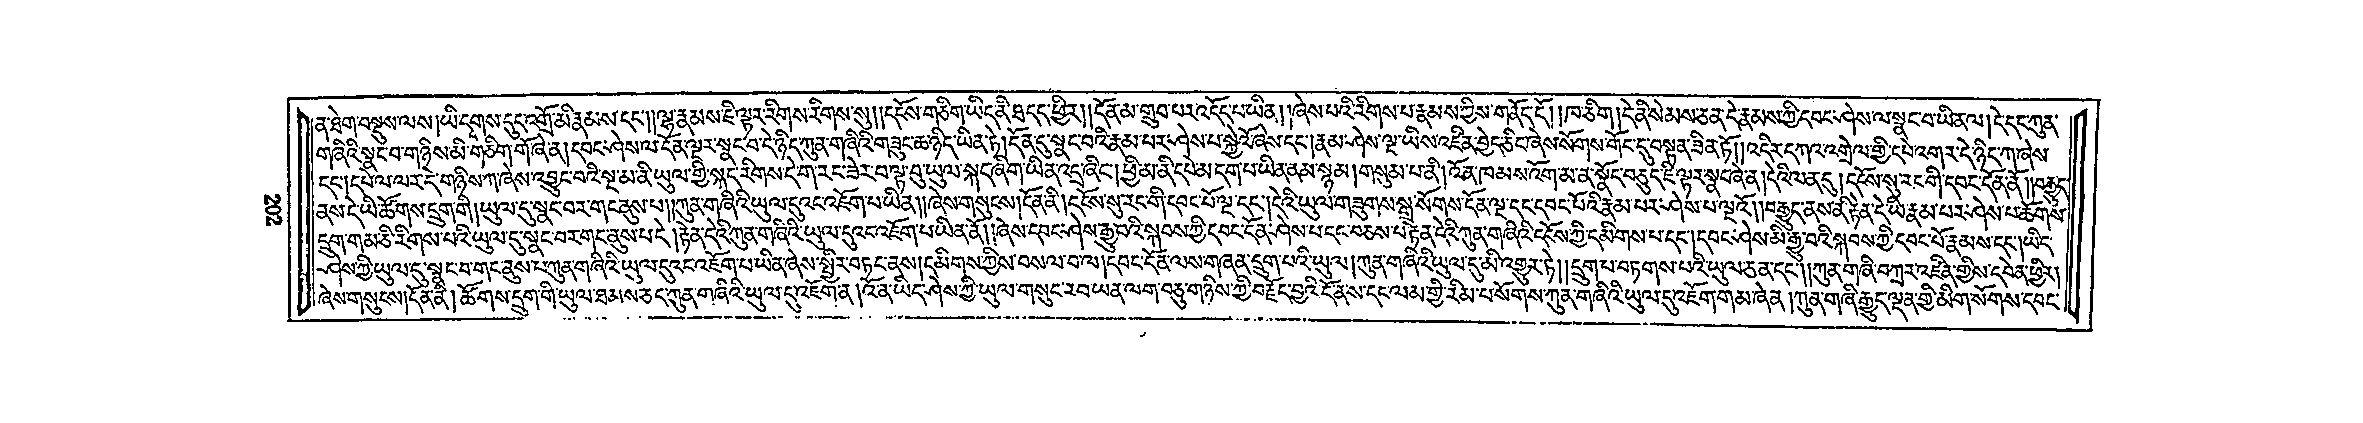ན་ཐེག་བསྡུས་ལས། ཡི་དྭགས་དུད་འགྲོ་མི་རྣམས་དང་། །ལྷ་རྣམས་ཇི་ལྟར་རིགས་རིགས་སུ། །དངོས་གཅིག་ཡིད་ནི་ཐ་དད་ཕྱིར། །དོན་མ་གྲུབ་པར་འདོད་པ་ཡིན། །ཞེས་པའི་རིགས་པ་རྣམས་ཀྱིས་གནོད་དོ། །ཁ་ཅིག །དེ་ནི་སེམས་ཅན་དེ་རྣམས་ཀྱི་དབང་ཤེས་ལ་སྣང་བ་ཡིན་ལ། དེ་དང་ཀུན་
གཞིའི་སྣང་བ་གཉིས་མི་གཅིག་གོ་ཞེ་ན། དབང་ཤེས་ལ་དོན་ལྔར་སྣང་བ་དེ་ཉིད་ཀུན་གཞིའི་གཟུང་ཆ་ཉིད་ཡིན་ཏེ། དོན་དུ་སྣང་བའི་རྣམ་པར་ཤེས་པ་སྐྱེའོ་ཞེས་དང་། རྣམ་ཤེས་ལྔ་ཡིས་འཛིན་བྱེད་ཅིང་ཞེས་སོགས་གོང་དུ་བསྟན་ཟིན་ཏོ། །འདིར་དཀའ་འགྲེལ་གྱི་དཔེ་འགར་དེ་ཉིད་ཀ་ཞེས་
དང་། དཔེ་ལ་ལར་དེ་གཉིས་ཀ་ཞེས་འབྱུང་བའི་སྔ་མ་ནི་ཡུལ་གྱི་སྐད་རིགས་དེ་ག་རང་ཟེར་བ་ལྟ་བུ་ཡུལ་སྐད་ཞིག་ཡིན་འདྲ་ཞིང་། ཕྱི་མ་ནི་དཔེ་མ་དག་པ་ཡིན་ནམ་སྙམ། གསུམ་པ་ནི། འོ་ན་ཁམས་འོག་མ་ན་སྣོད་བཅུད་ཇི་ལྟར་སྣང་ཞེ་ན། དེའི་ལན་དུ། དངོས་སུ་རང་གི་དབང་དོན་ནོ། །བརྒྱུད་
ནས་དེ་ཡི་ཚོགས་དྲུག་གི །ཡུལ་དུ་སྣང་བར་གང་ནུས་པ། །ཀུན་གཞིའི་ཡུལ་དུའང་འཇོག་པ་ཡིན། །ཞེས་གསུངས། དོན་ནི། དངོས་སུ་རང་གི་དབང་པོ་ལྔ་དང་། དེའི་ཡུལ་གཟུགས་སྒྲ་སོགས་དོན་ལྔ་དང་དབང་པོའི་རྣམ་པར་ཤེས་པ་ལྔའོ། །བརྒྱུད་ནས་ནི་རྟེན་དེ་ཡི་རྣམ་པར་ཤེས་པ་ཆོགས་
དྲུག་གམ་ཅི་རིགས་པའི་ཡུལ་དུ་སྣང་བར་གང་ནུས་པ་དེ། རྟེན་དེའི་ཀུན་གཞིའི་ཡུལ་དུའང་འཇོག་པ་ཡིན་ནོ། །ཞེས་དབང་ཤེས་རྒྱུ་བའི་སྐབས་ཀྱི་དབང་དོན་ཤེས་པ་དང་བཅས་པ་རྟེན་དེའི་ཀུན་གཞིའི་དངོས་ཀྱི་དམིགས་པ་དང་། དབང་ཤེས་མི་རྒྱུ་བའི་སྐབས་ཀྱི་དབང་པོ་རྣམས་དང་། ཡིད་
ཤེས་ཀྱི་ཡུལ་དུ་སྣང་བ་གང་ནུས་པ་ཀུན་གཞིའི་ཡུལ་དུའང་འཇོག་པ་ཡིན་ཞེས་སྤྱིར་བཏང་ནས། དམིགས་ཀྱིས་བསལ་བ་ལ། དབང་དོན་ལས་གཞན་དྲུག་པའི་ཡུལ། ཀུན་གཞིའི་ཡུལ་དུ་མི་འགྱུར་ཏེ། །དྲུག་པ་བཏགས་པའི་ཡུལ་ཅན་དང་། །ཀུན་གཞི་བཀྲར་འཛིན་གྱིས་དབེན་ཕྱིར།
ཞེས་གསུངས། དོན་ནི། ཚོགས་དྲུག་གི་ཡུལ་ཐམས་ཅད་ཀུན་གཞིའི་ཡུལ་དུ་འཇོག་ན། འོ་ན་ཡིད་ཤེས་ཀྱི་ཡུལ་གསུང་རབ་ཡན་ལག་བཅུ་གཉིས་ཀྱི་བརྗོད་བྱའི་དོན་ས་དང་ལམ་གྱི་རིམ་པ་སོགས་ཀུན་གཞིའི་ཡུལ་དུ་འཇོག་གམ་ཞེན། ཀུན་གཞི་རྒྱུད་ལྡན་གྱི་མིག་སོགས་དབང་